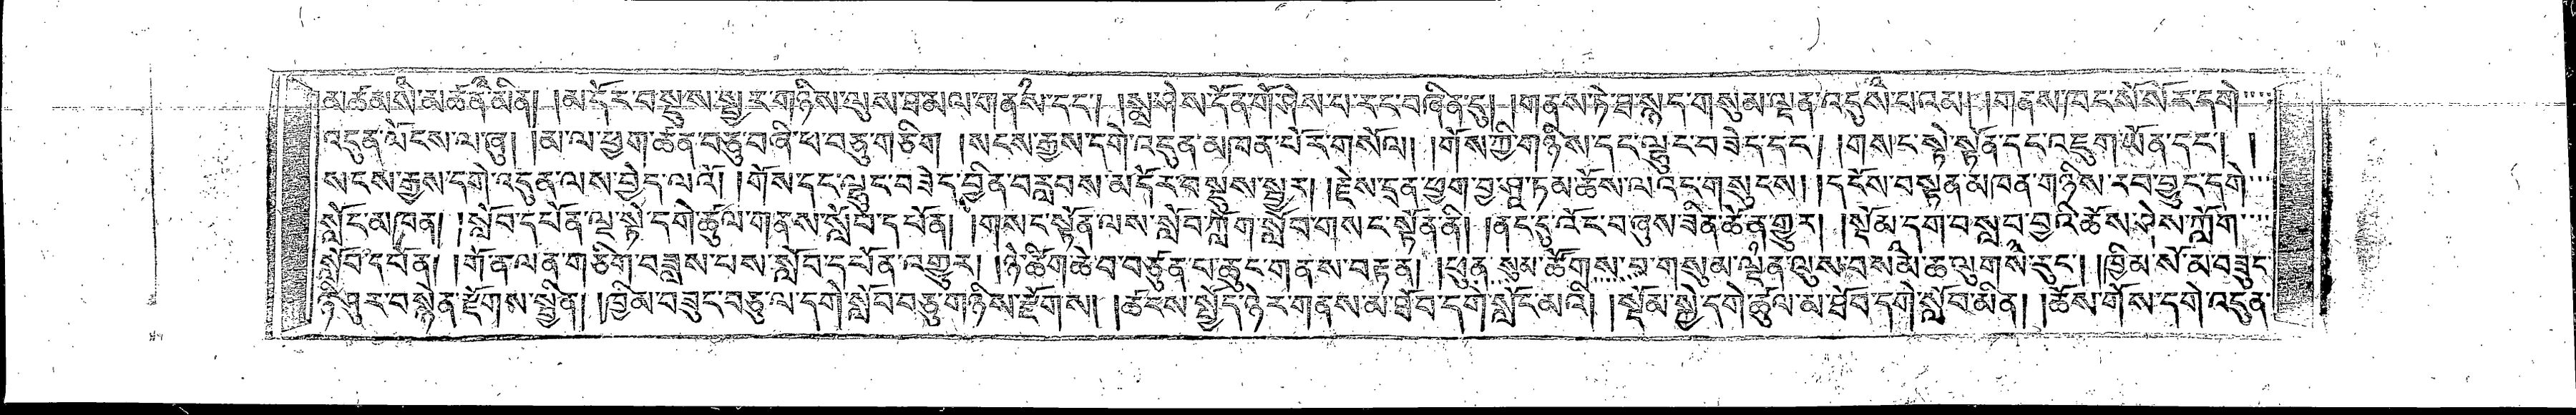མཚམས་མཚན་མིན། །མདོར་བསྡུས་སྦྱར་གཉིས་ལུས་ཐ་མལ་གནས་དང་། །སྨྲ་ཤེས་དོན་གོ་ཤེས་པ་རང་བཞིན་དུ། །གནས་ཏེ་ཐ་སྙད་གསུམ་ལྡན་འདུས་པའམ། །གནས་ཁང་སོ་སོར་དགེ་
འདུན་ལོངས་ལ་ཞུ། །མ་ལ་ཕྱག་ཚན་བཅུ་བཞི་ཕ་བཅུ་གཅིག །སངས་རྒྱས་དགེ་འདུན་མཁན་པོར་གསོལ། །གོས་ཀྱི་གཉིས་དང་ལྷུང་བཟེད་དང་། །གསང་སྟེ་སྟོན་དང་འཇུག་ཡོན་དང་། །
སངས་རྒྱས་དགེ་འདུན་ལས་བྱེད་ལའོ། །གོས་དང་ལྷུང་བཟེད་བྱིན་བརླབས་མདོར་བསྡུས་སྦྱར། །རྗེས་དྲན་ཕྱག་བྱ་ཤཱ་ཏམ་ཆོས་ལའང་གསུངས། །དངོས་བསྟན་མཁན་གཉིས་རབ་བྱུང་དགེ་
སློང་མཁན། །སློབ་དཔོན་ལྔ་སྟེ་དགེ་ཚུལ་གནས་སློབ་དཔོན། །གསང་སྟོན་ལས་སློབ་ཀློག་སློབ་གསང་སྟོན་ནི། །ནང་དུ་འོང་བ་ཞུས་ཟིན་ཚེ་ན་གྱུར། །སྡོམ་དག་བསླབ་བྱའི་ཆོས་ཤེས་ཀློག་
སློབ་དཔོན། །གོ་ན་ལན་གཅིག་བཟླས་པས་སློབ་དཔོན་འགྱུར། །ཉེ་ཚིག་ཆེ་བ་བཙུན་པ་ཆུང་གནས་བརྟན། །ཕུན་སུམ་ཚོགས་བ་གསུམ་ལྡན་ལུས་བསམ་ཆ་ལུགས་རུང་། །ཁྱིམ་སོ་མ་བཟུང་
ཉི་ཤུར་བསྙེན་རྫོགས་སྦྱིན། །ཁྱིམ་བཟུང་བཅུ་ལ་དགེ་སློབ་བཅུ་གཉིས་རྫོགས། །ཚངས་སྤྱོད་ཉེར་གནས་མ་ཐོབ་དགེ་སློང་མའི། །སྡོམ་སྐྱེ་དགེ་ཚུལ་མ་ཐོབ་དགེ་སློབ་མིན། །ཆོས་གོས་དགེ་འདུན་